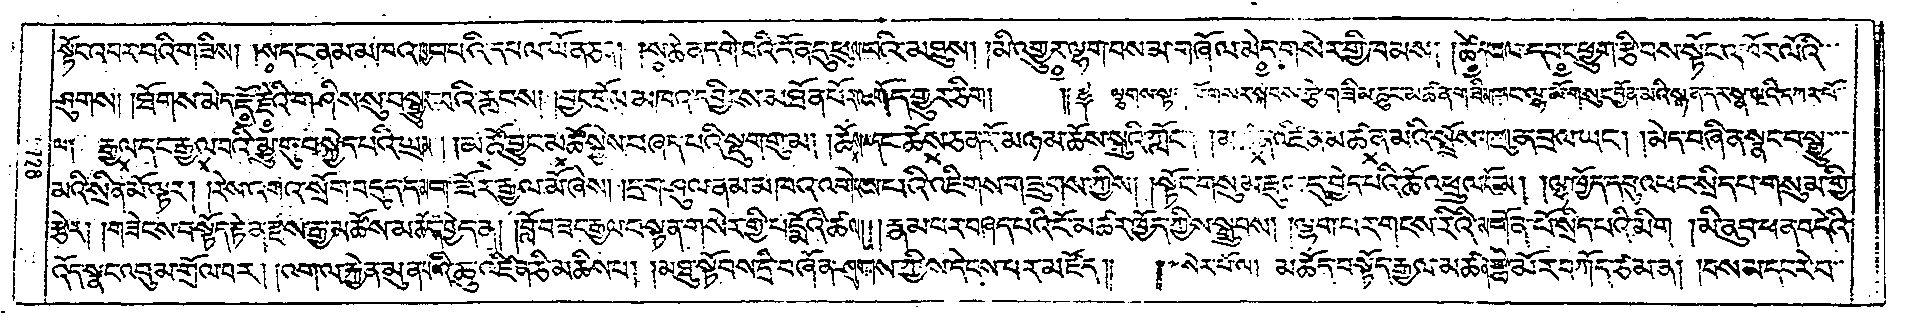སྟོང་འབར་བའི་གཟིས། །ས྾་དང་ནམ་མཁའ་ཁྱབ་པའི་དཔལ་ཡོན་ཅན། །ས྾་ཆེན་དགེ་བའི་དོན་དུ་ཕུལ་བའི་མཐུས། །མི་འགྱུར྾་ལྷག་བསམ་གཞོལ་མེད྾་གསེར་གྱི་ཁམས། །ཚེ྾་དཔལ་དབང྾་ཕྱུག་རྩིབས་སྟོང་འཁོར་ལོའི་
ཤུགས། །ཐོགས་མེད་རྡོ྾་རྗེའི྾་གཤིས་སུ་བསྒྱུར་བའི་རླབས། །བྱང་གྲོལ་མཁའ་དབྱིངས་མཐོན་པོར་འགོད་གྱུར་ཅིག ། །། ༈ ལྕགས་སྟག་ལོ་གསར་སྐབས་རྩེ་གཟིམ་ཆུང་མཚན་གཟིམ་ཁང་ལྷ་མོ་གསུང་བྱོན་མའི་སྙན་དར་སྣ་ལྔའི་དཀར་པོ་
ལ། རྒྱལ་྾་དང་རྒྱལ་྾་བའི་མྱུ་གུ་བསྐྱེད་པའི་ཡུམ། །མཚོ་྾་བྱུང་མཚོ་྾་སྐྱེས་བཞད་པའི་སྡུག་གུ་མ། །ཆོས་྾་དང་ཆོས་྾་ཅན་རོ་མཉམ་ཆོས་སྐུའི་ཀློང་། །མཚན་྾་འཛིན་མཚན་྾་མའི་སྤྲོས་པ་ཀུན་བྲལ་ཡང་། །མེད་བཞིན་སྣང་བ་སྒྱུ་
མའི་སྲིན་མོ་ལྟར། །རེས་འགའ་སྲོག་བདུད་དམག་ཟོར་རྒྱལ་མོ་ཞེས། །དྲག་ཤུལ་ནམ་མཁའ་འགེངས་པའི་འཇིགས་གཟུགས་ཀྱིས། །སྟོང་གསུམ་རྡུལ་དུ་བྱེད་པའི་ཆོ་འཕྲུལ་ངོམ། །ལྷ་ཁྱོད་དབུ་འཕང་སྲིད་པ་གསུམ་གྱི་
རྩེར། །གཟེངས་བསྟོད་རྟེན་རྫས་རྒྱ་མཚོས་མཆོད་བྱེད་ན། །བློ་བཟང་རྒྱལ་བསྟན་གསེར་གྱི་པདམོའི་ཚལ། །རྣམ་པར་བཞད་པའི་ངོ་མཚར་ཁྱོད་ཀྱིས་སྒྲུབས། །ལྷག་པར་གངས་རིའི་མགོན་པོ་སྲིད་པའི་མིག །མི་ནུབ་ཕན་བདེའི་
འོད་སྣང་འབུམ་གྲོལ་བར། །འགལ་རྐྱེན་མུན་པའི་ཆུ་འཛིན་ཅི་མཆིས་པ། །མཐུ་སྟོབས་དྲི་བཞོན་ཤུགས་ཀྱིས་དེངས་པར་མཛོད།། །།  ༧་སེར་པོ་ལ།  མཆོད་བསྟོད་རྒྱལ་མཚན་རྩེ་མོར་བཀོད་ཙམ་ན། །བསམ་དང་རེ་བ་